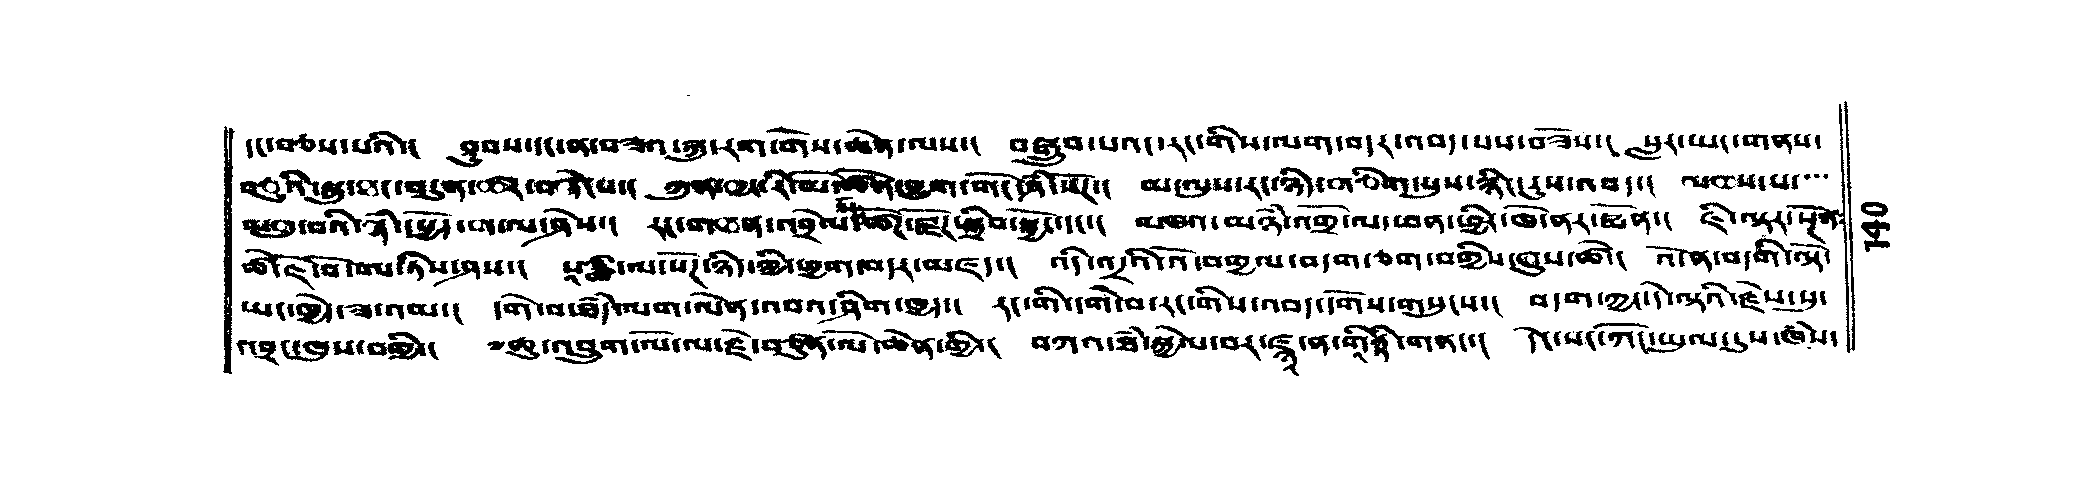དང་བཅས་པའི། །ཤུབས་དང་ན་བཟའ་སྐུ་རགས་གོས་ཆེན་ལས། །བསྒྲུབས་པའང་རང་གིས་ལག་བདར་འབད་པས་བཟོས། །སླར་ཡང་གནས་
བཅུའི་སྐུ་ཐང་བདུན་ཚར་བཞེངས། །ཀུན་ཀྱང་རི་མོ་ཚོན་བྱུག་གོང་ཤམ་སོགས། །མ་ལུས་རང་ཉིད་གཅིག་པུས་སྙིང་རུས་འབད། །མཁས་པ་
མགུ་བའི་རྣམ་དཔྱོད་ག་ལ་ཤེས། །རང་གཞན་འབྲེལ་ཐོགས་ཚོགས་རྫོགས་སྒྲིབ་སྦྱོང་དང་། །མཁའ་མཉམ་འགྲོ་ལ་ཕན་ཕྱིར་ཁོ་ནར་སྨོན། །ཇི་ལྟར་སྔོན་
ཚེ་ཇོ་བོ་ཨ་ཏིས་ཤས། །སཱཙྪ་ལ་སོགས་ཉིད་ཀྱི་ཕྱག་བདར་མཛད། །འདི་འདྲའི་འོ་བརྒྱལ་བདག་ཅག་བགྱིས་ཞུས་ཚེ། །འོ་ན་བདག་གི་ལྟོ་
ཡང་ཁྱེད་ཟའམ། །དགེ་བ་ཐམས་ཆད་ལག་ལེན་འབའ་ཤིག་ཁྱད། །རང་གི་དགེ་བ་རང་གིས་འབད་དགོས་གསུངས། །བདག་ཀྱང་དེ་ལྟའི་རྗེས་སུ་
འབྲང་ཁུལ་བགྱི། །ཆུ་འབྲུག་ལོ་ལ་རྗེ་བཙུན་ལོ་ཆེན་གྱི། །བཀའ་ཐམ་སྐྱེལ་བར་ཛྙཱ་ན་ཀཱིརྟི་གནང་། །དེང་སང་ཀོང་ཡུལ་དུས་ཁམས་